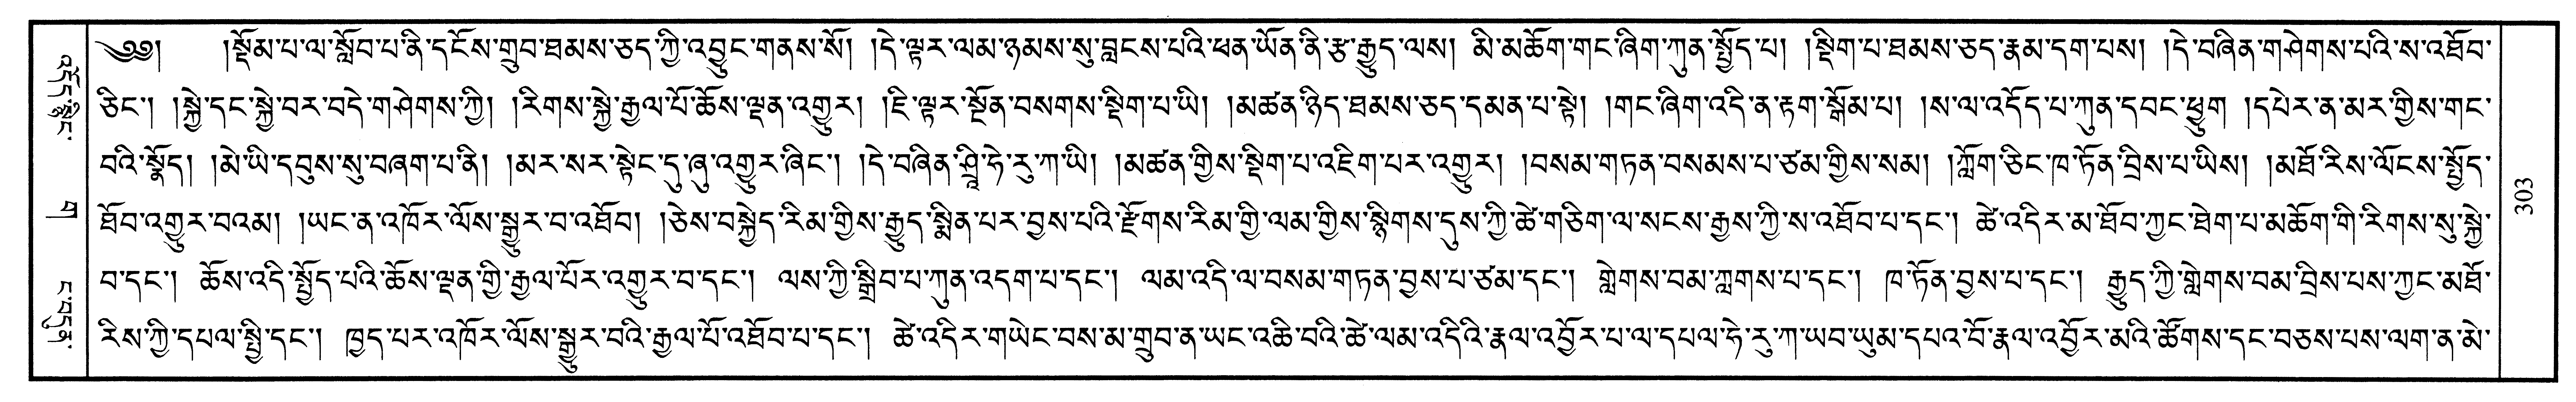༄༅། །སྡོམ་པ་ལ་སློབ་པ་ནི་དངོས་གྲུབ་ཐམས་ཅད་ཀྱི་འབྱུང་གནས་སོ། །དེ་ལྟར་ལམ་ཉམས་སུ་བླངས་པའི་ཕན་ཡོན་ནི་རྩ་རྒྱུད་ལས། མི་མཆོག་གང་ཞིག་ཀུན་སྤྱོད་པ། །སྡིག་པ་ཐམས་ཅད་རྣམ་དག་པས། །དེ་བཞིན་གཤེགས་པའི་ས་འཐོབ་
ཅིང་། །སྐྱེ་དང་སྐྱེ་བར་བདེ་གཤེགས་ཀྱི། །རིགས་སྐྱེ་རྒྱལ་པོ་ཆོས་ལྡན་འགྱུར། །ཇི་ལྟར་སྔོན་བསགས་སྡིག་པ་ཡི། །མཚན་ཉིད་ཐམས་ཅད་དམན་པ་སྟེ། །གང་ཞིག་འདི་ན་རྟག་སྒོམ་པ། །ས་ལ་འདོད་པ་ཀུན་དབང་ཕྱུག །དཔེར་ན་མར་གྱིས་གང་
བའི་སྣོད། །མེ་ཡི་དབུས་སུ་བཞག་པ་ནི། །མར་སར་སྟེང་དུ་ཞུ་འགྱུར་ཞིང་། །དེ་བཞིན་ཤྲཱི་ཧེ་རུ་ཀ་ཡི། །མཚན་གྱིས་སྡིག་པ་འཇིག་པར་འགྱུར། །བསམ་གཏན་བསམས་པ་ཙམ་གྱིས་སམ། །ཀློག་ཅིང་ཁ་ཏོན་བྲིས་པ་ཡིས། །མཐོ་རིས་ལོངས་སྤྱོད་
ཐོབ་འགྱུར་བའམ། །ཡང་ན་འཁོར་ལོས་སྒྱུར་བ་འཐོབ། །ཅེས་བསྐྱེད་རིམ་གྱིས་རྒྱུད་སྨིན་པར་བྱས་པའི་རྫོགས་རིམ་གྱི་ལམ་གྱིས་སྙིགས་དུས་ཀྱི་ཚེ་གཅིག་ལ་སངས་རྒྱས་ཀྱི་ས་འཐོབ་པ་དང་། ཚེ་འདིར་མ་ཐོབ་ཀྱང་ཐེག་པ་མཆོག་གི་རིགས་སུ་སྐྱེ་
བ་དང་། ཆོས་འདི་སྤྱོད་པའི་ཆོས་ལྡན་གྱི་རྒྱལ་པོར་འགྱུར་བ་དང་། ལས་ཀྱི་སྒྲིབ་པ་ཀུན་འདག་པ་དང་། ལམ་འདི་ལ་བསམ་གཏན་བྱས་པ་ཙམ་དང་། གླེགས་བམ་ཀླགས་པ་དང་། ཁ་ཏོན་བྱས་པ་དང་། རྒྱུད་ཀྱི་གླེགས་བམ་བྲིས་པས་ཀྱང་མཐོ་
རིས་ཀྱི་དཔལ་སྤྱི་དང་། ཁྱད་པར་འཁོར་ལོས་སྒྱུར་བའི་རྒྱལ་པོ་འཐོབ་པ་དང་། ཚེ་འདིར་གཡེང་བས་མ་གྲུབ་ན་ཡང་འཆི་བའི་ཚེ་ལམ་འདིའི་རྣལ་འབྱོར་པ་ལ་དཔལ་ཧེ་རུ་ཀ་ཡབ་ཡུམ་དཔའ་བོ་རྣལ་འབྱོར་མའི་ཚོགས་དང་བཅས་པས་ལག་ན་མེ་